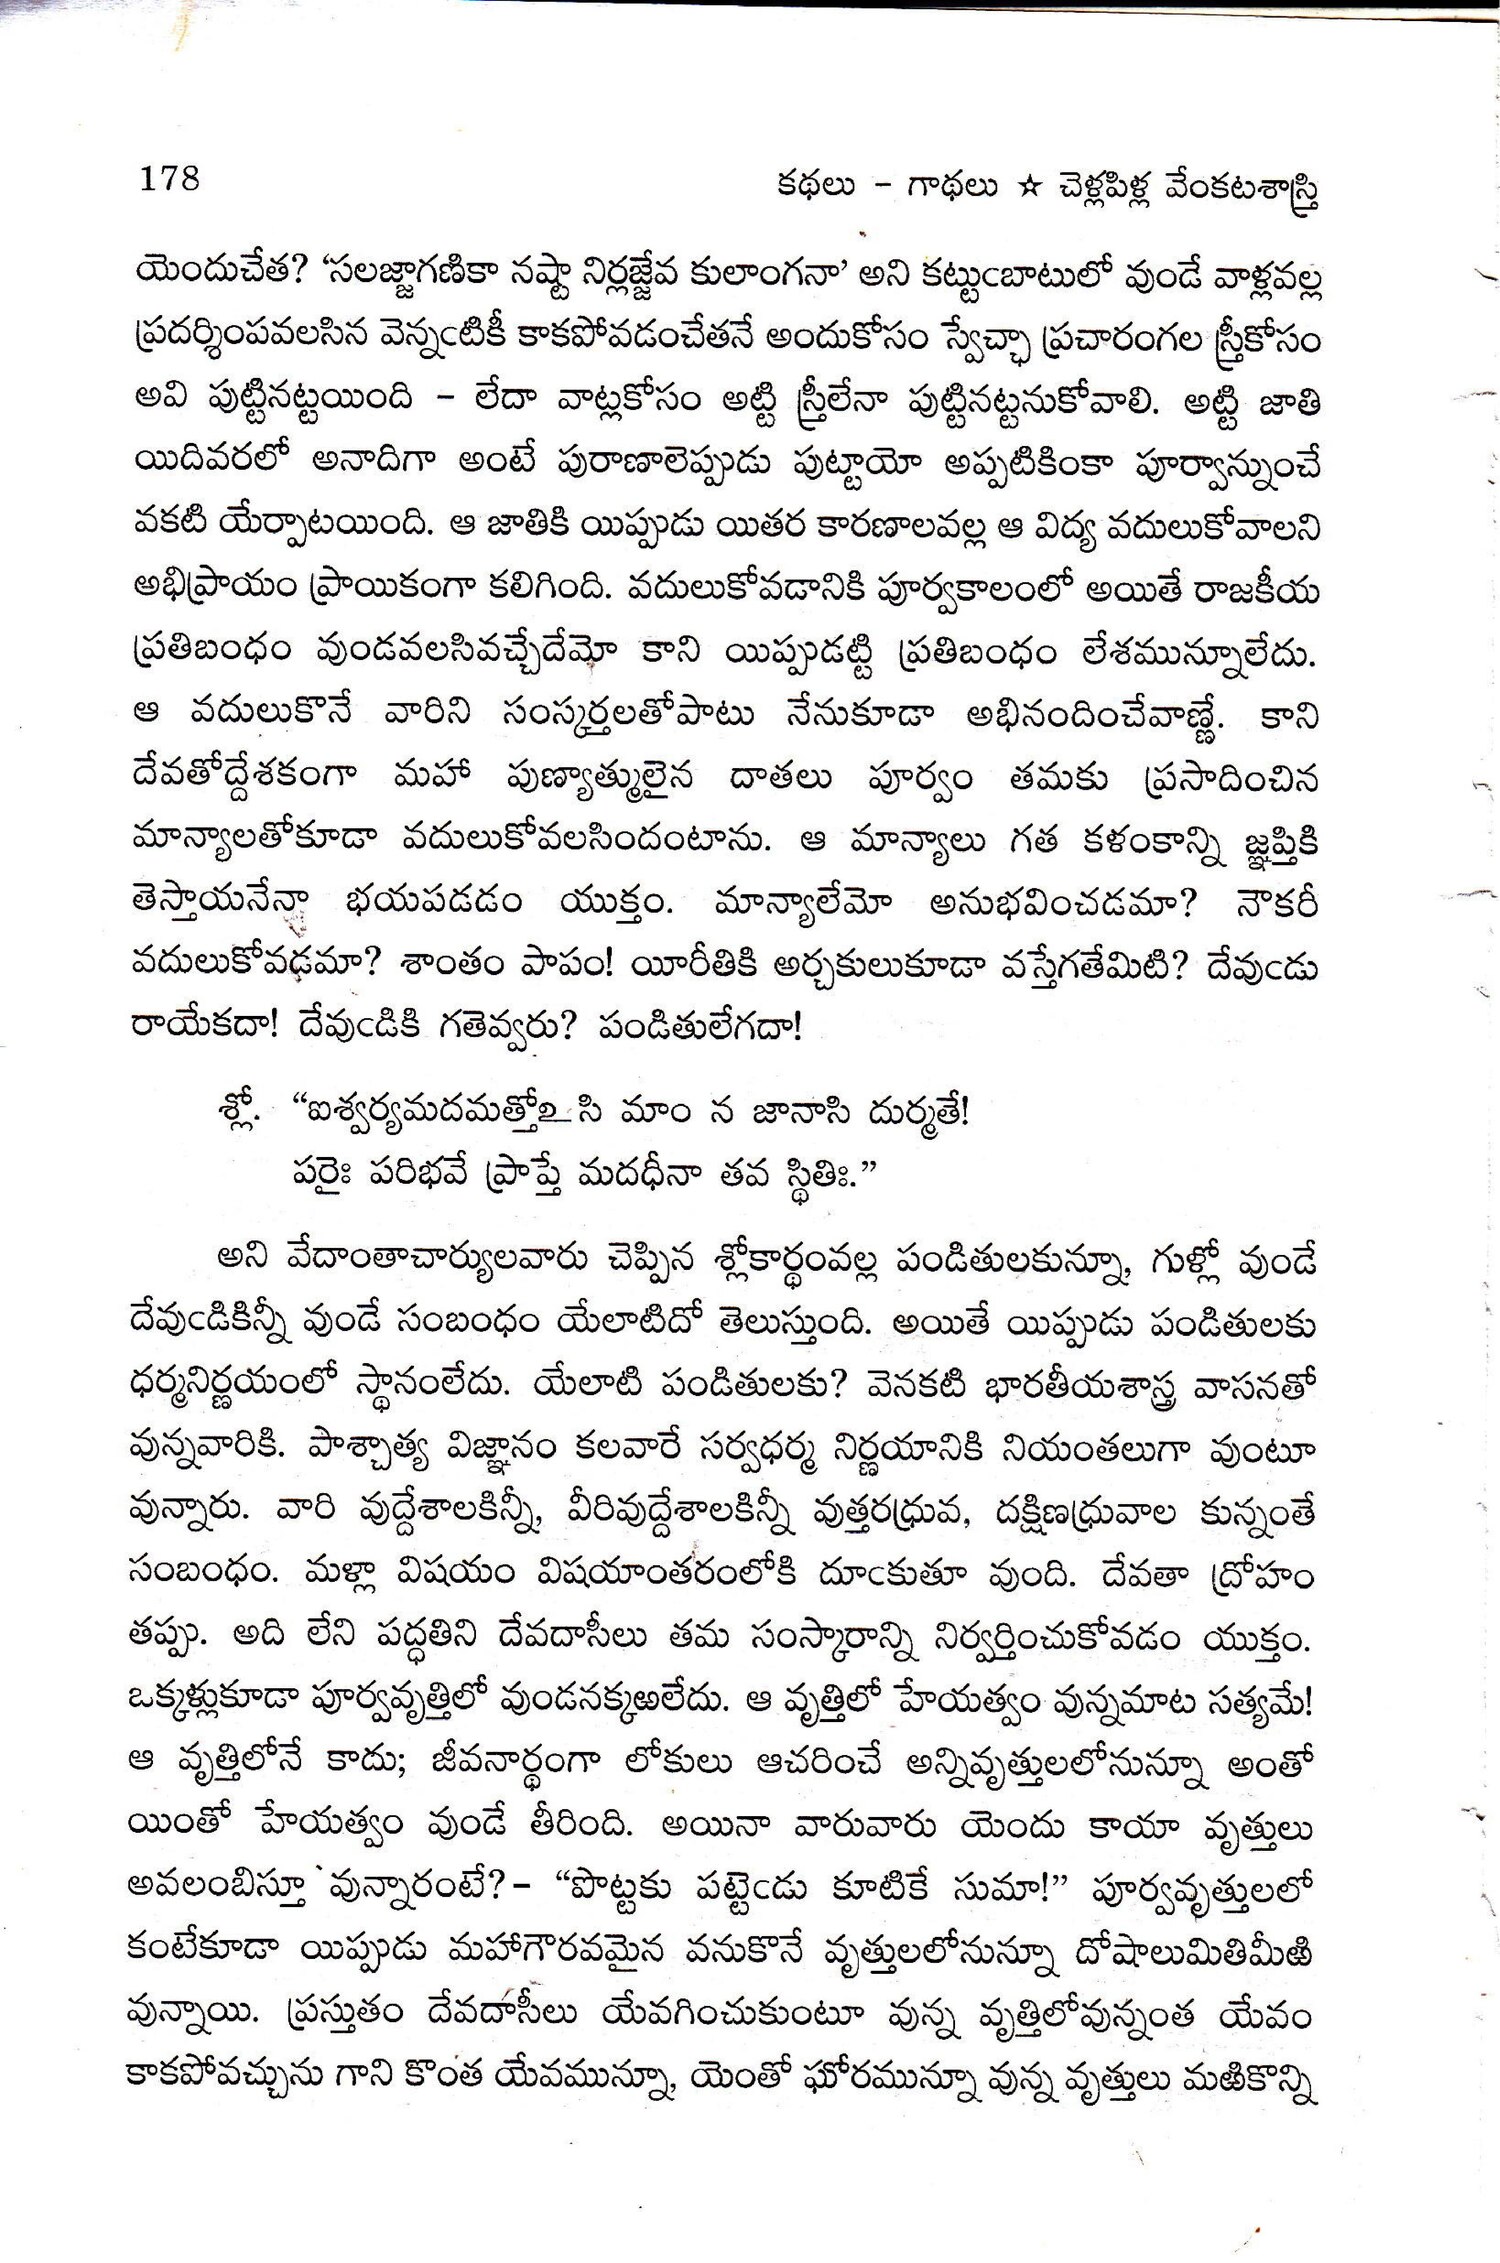యెందుచేత? సలజ్జాగణికా నష్టా నిర్లజ్జేవ కులాంగనా' అని కట్టుఁబాటులో వుండే వాళ్లవల్ల ప్రదర్శింపవలసిన వెన్నఁటికీ కాకపోవడంచేతనే అందుకోసం స్వేచ్ఛా ప్రచారంగల స్త్రీకోసం అవి పుట్టినట్టయింది - లేదా వాట్లకోసం అట్టి స్త్రీలేనా పుట్టినట్టనుకోవాలి. అట్టి జాతి యిదివరలో అనాదిగా అంటే పురాణాలెప్పుడు పుట్టాయో అప్పటికింకా పూర్వాన్నుంచే వకటి యేర్పాటయింది. ఆ జాతికి యిప్పుడు యితర కారణాలవల్ల ఆ విద్య వదులుకోవాలని అభిప్రాయం ప్రాయికంగా కలిగింది. వదులుకోవడానికి పూర్వకాలంలో అయితే రాజకీయ ప్రతిబంధం వుండవలసివచ్చేదేమో కాని యిప్పుడట్టి ప్రతిబంధం లేశమున్నూలేదు. ఆ వదులుకొనే వారిని సంస్కర్తలతోపాటు నేనుకూడా అభినందించేవాణ్ణే. కాని దేవతోద్దేశకంగా మహా పుణ్యాత్ములైన దాతలు పూర్వం తమకు ప్రసాదించిన మాన్యాలతోకూడా వదులుకోవలసిందంటాను. ఆ మాన్యాలు గత కళంకాన్ని జ్ఞప్తికి తెస్తాయనేనా భయపడడం యుక్తం. మాన్యాలేమో అనుభవించడమా? నౌకరీ వదులుకోవడమా? శాంతం పాపం! యీరీతికి అర్చకులుకూడా వస్తేగతేమిటి? దేవుఁడు రాయేకదా! దేవుఁడికి గతెవ్వరు? పండితులేగదా!

శ్లో, "ఐశ్వర్యమదమత్తో౽సి మాం న జానాసి దుర్మతే! 
 పరైః పరిభవే ప్రాప్తే మదధీనా తవ స్థితిః."
అని వేదాంతాచార్యులవారు చెప్పిన శ్లోకార్ధంవల్ల పండితులకున్నూ గుళ్లో వుండే దేవుఁడికిన్నీ వుండే సంబంధం యేలాటిదో తెలుస్తుంది. అయితే యిప్పుడు పండితులకు ధర్మనిర్ణయంలో స్థానంలేదు. యేలాటి పండితులకు? వెనకటి భారతీయశాస్త్ర వాసనతో వున్నవారికి. పాశ్చాత్య విజ్ఞానం కలవారే సర్వధర్మ నిర్ణయానికి నియంతలుగా వుంటూ వున్నారు. వారి వుద్దేశాలకిన్నీ వీరివుద్దేశాలకిన్నీ వుత్తరధ్రువ, దక్షిణధ్రువాల కున్నంతే సంబంధం. మళ్లా విషయం విషయాంతరంలోకి దూఁకుతూ వుంది. దేవతా ద్రోహం తప్పు. అది లేని పద్ధతిని దేవదాసీలు తమ సంస్కారాన్ని నిర్వర్తించుకోవడం యుక్తం. ఒక్కళ్లుకూడా పూర్వవృత్తిలో వుండనక్కఱలేదు. ఆ వృత్తిలో హేయత్వం వున్నమాట సత్యమే! ఆ వృత్తిలోనే కాదు; జీవనార్థంగా లోకులు ఆచరించే అన్నివృత్తులలోనున్నూ అంతో యింతో హేయత్వం వుండే తీరింది. అయినా వారువారు యెందు కాయా వృత్తులు అవలంబిస్తూ వున్నారంటే?- "పొట్టకు పట్టెఁడు కూటికే సుమా!' పూర్వవృత్తులలో కంటేకూడా యిప్పుడు మహాగౌరవమైన వనుకొనే వృత్తులలోనున్నూ దోషాలుమితిమీఱి వున్నాయి. ప్రస్తుతం దేవదాసీలు యేవగించుకుంటూ వున్న వృత్తిలోవున్నంత యేవం కాకపోవచ్చును గాని కొంత యేవమున్నూ యెంతో ఘోరమున్నూ వున్న వృత్తులు మఱికొన్ని